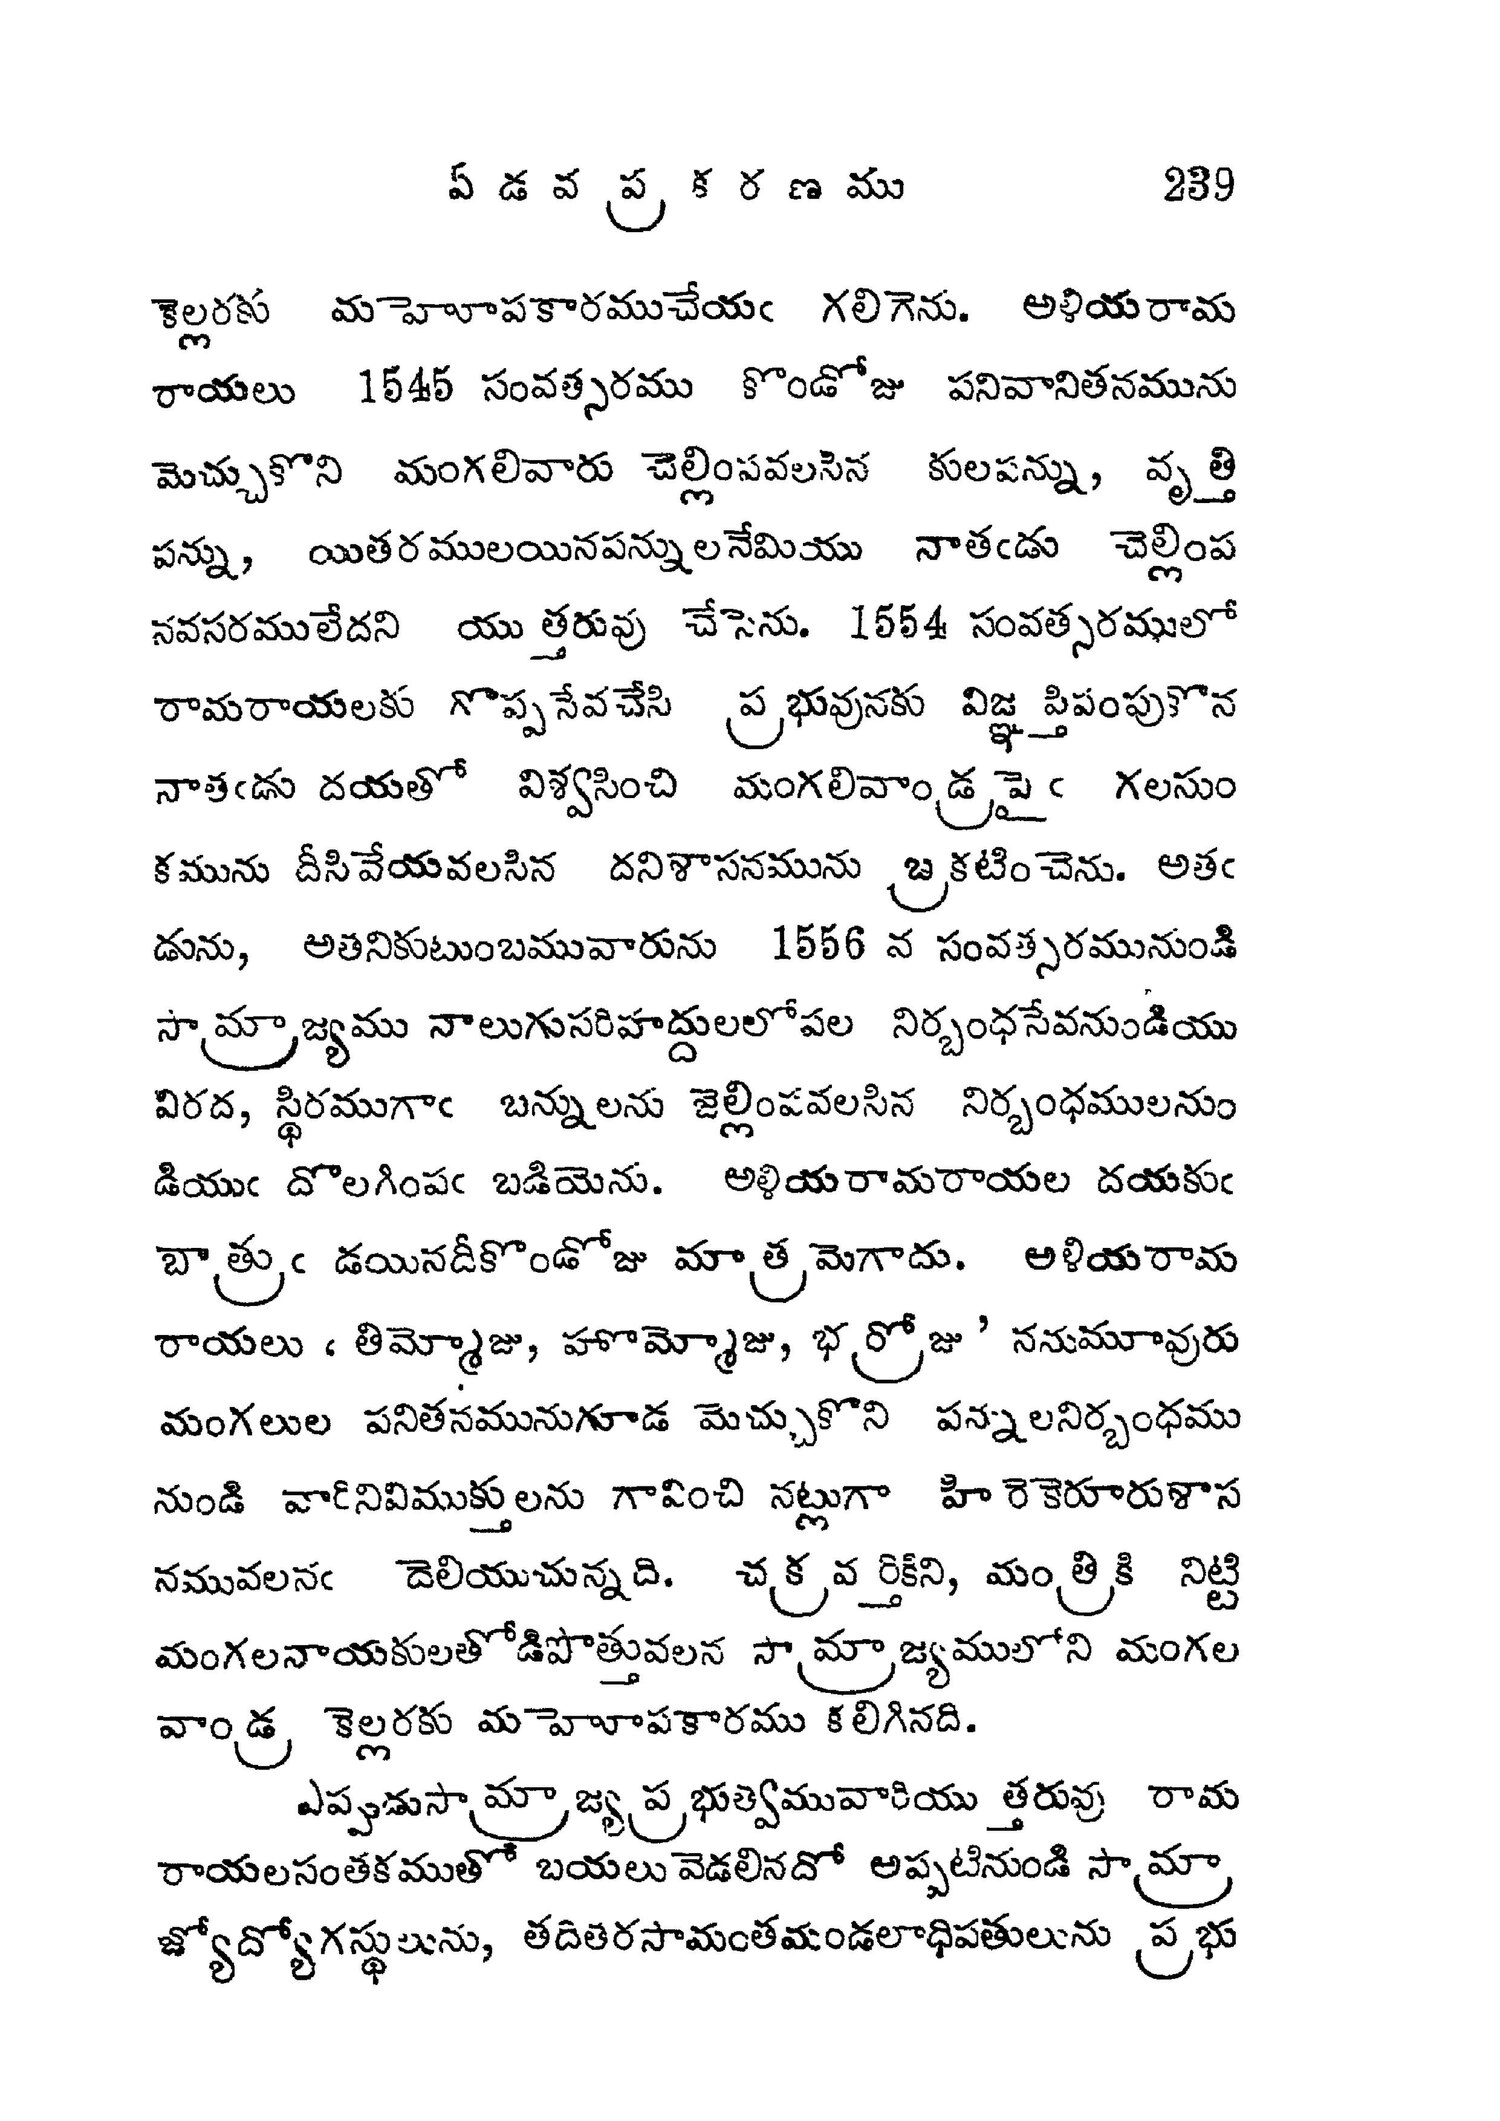కెల్లరకు మహోపకారముచేయ గలిగెను. అళియరామరాయలు 1545 సంవత్సరము కొండోజు పనివానితనమును మెచ్చుకొని మంగలివారు చెల్లింపవలసిన కులపన్ను, వృత్తిపన్ను, యితరములయిన పన్నులనేమియు నాతడు చెల్లింప నవసరములేదని యుత్తరువు చేసెను. 1554 సంవత్సరములో రామరాయలకు గొప్పసేవచేసి ప్రభువునకు విజ్ఞప్తిపంపుకొన నాతడు దయతో విశ్వసించి మంగలివాండ్రపై గలసుంకమును దీసివేయవలసిన దనిశాసనమును బ్రకటించెను. ఆతడును, అతనికుటుంబమువారును 1556 వ సంవత్సరమునుండి సామ్రాజ్యము నాలుగుసరిహద్దులలోపల నిర్బంధసేవనుండియు విరద, స్థిరముగా బన్నులను జెల్లింపవలసిన నిర్బంధములనుండియు దొలగింప బడియెను. అళియరామరాయల దయకు బాత్రు డయినదీకొండోజు మాత్రమెగాదు. అళియ రామరాయలు 'తిమ్మోజు, హొమ్మోజు, భర్రోజు' ననుమూవురు మంగలుల పనితనమునుగూడ మెచ్చుకొని పన్నులనిర్బందము నుండి వారినివిముక్తులను గావించి నట్లుగా హిరెకెరూరు శాసనమువలన దెలియుచున్నది. చక్రవర్తికిని, మంత్రికి నిట్టి మంగలనాయకులతోడి పొత్తువలన సామ్రాజ్యములోని మంగలవాండ్ర కెల్లరకు మహోపకారము కలిగినది. 

ఎప్పుడు సామ్రాజ్యప్రభుత్వమువారియుత్తరువు రామరాయలసంతకముతో బయలువెడలినదో అప్పటినుండి సామ్రాజ్యోద్యోగస్థులును, తదితరసామంతమండలాధిపతులును ప్రభు